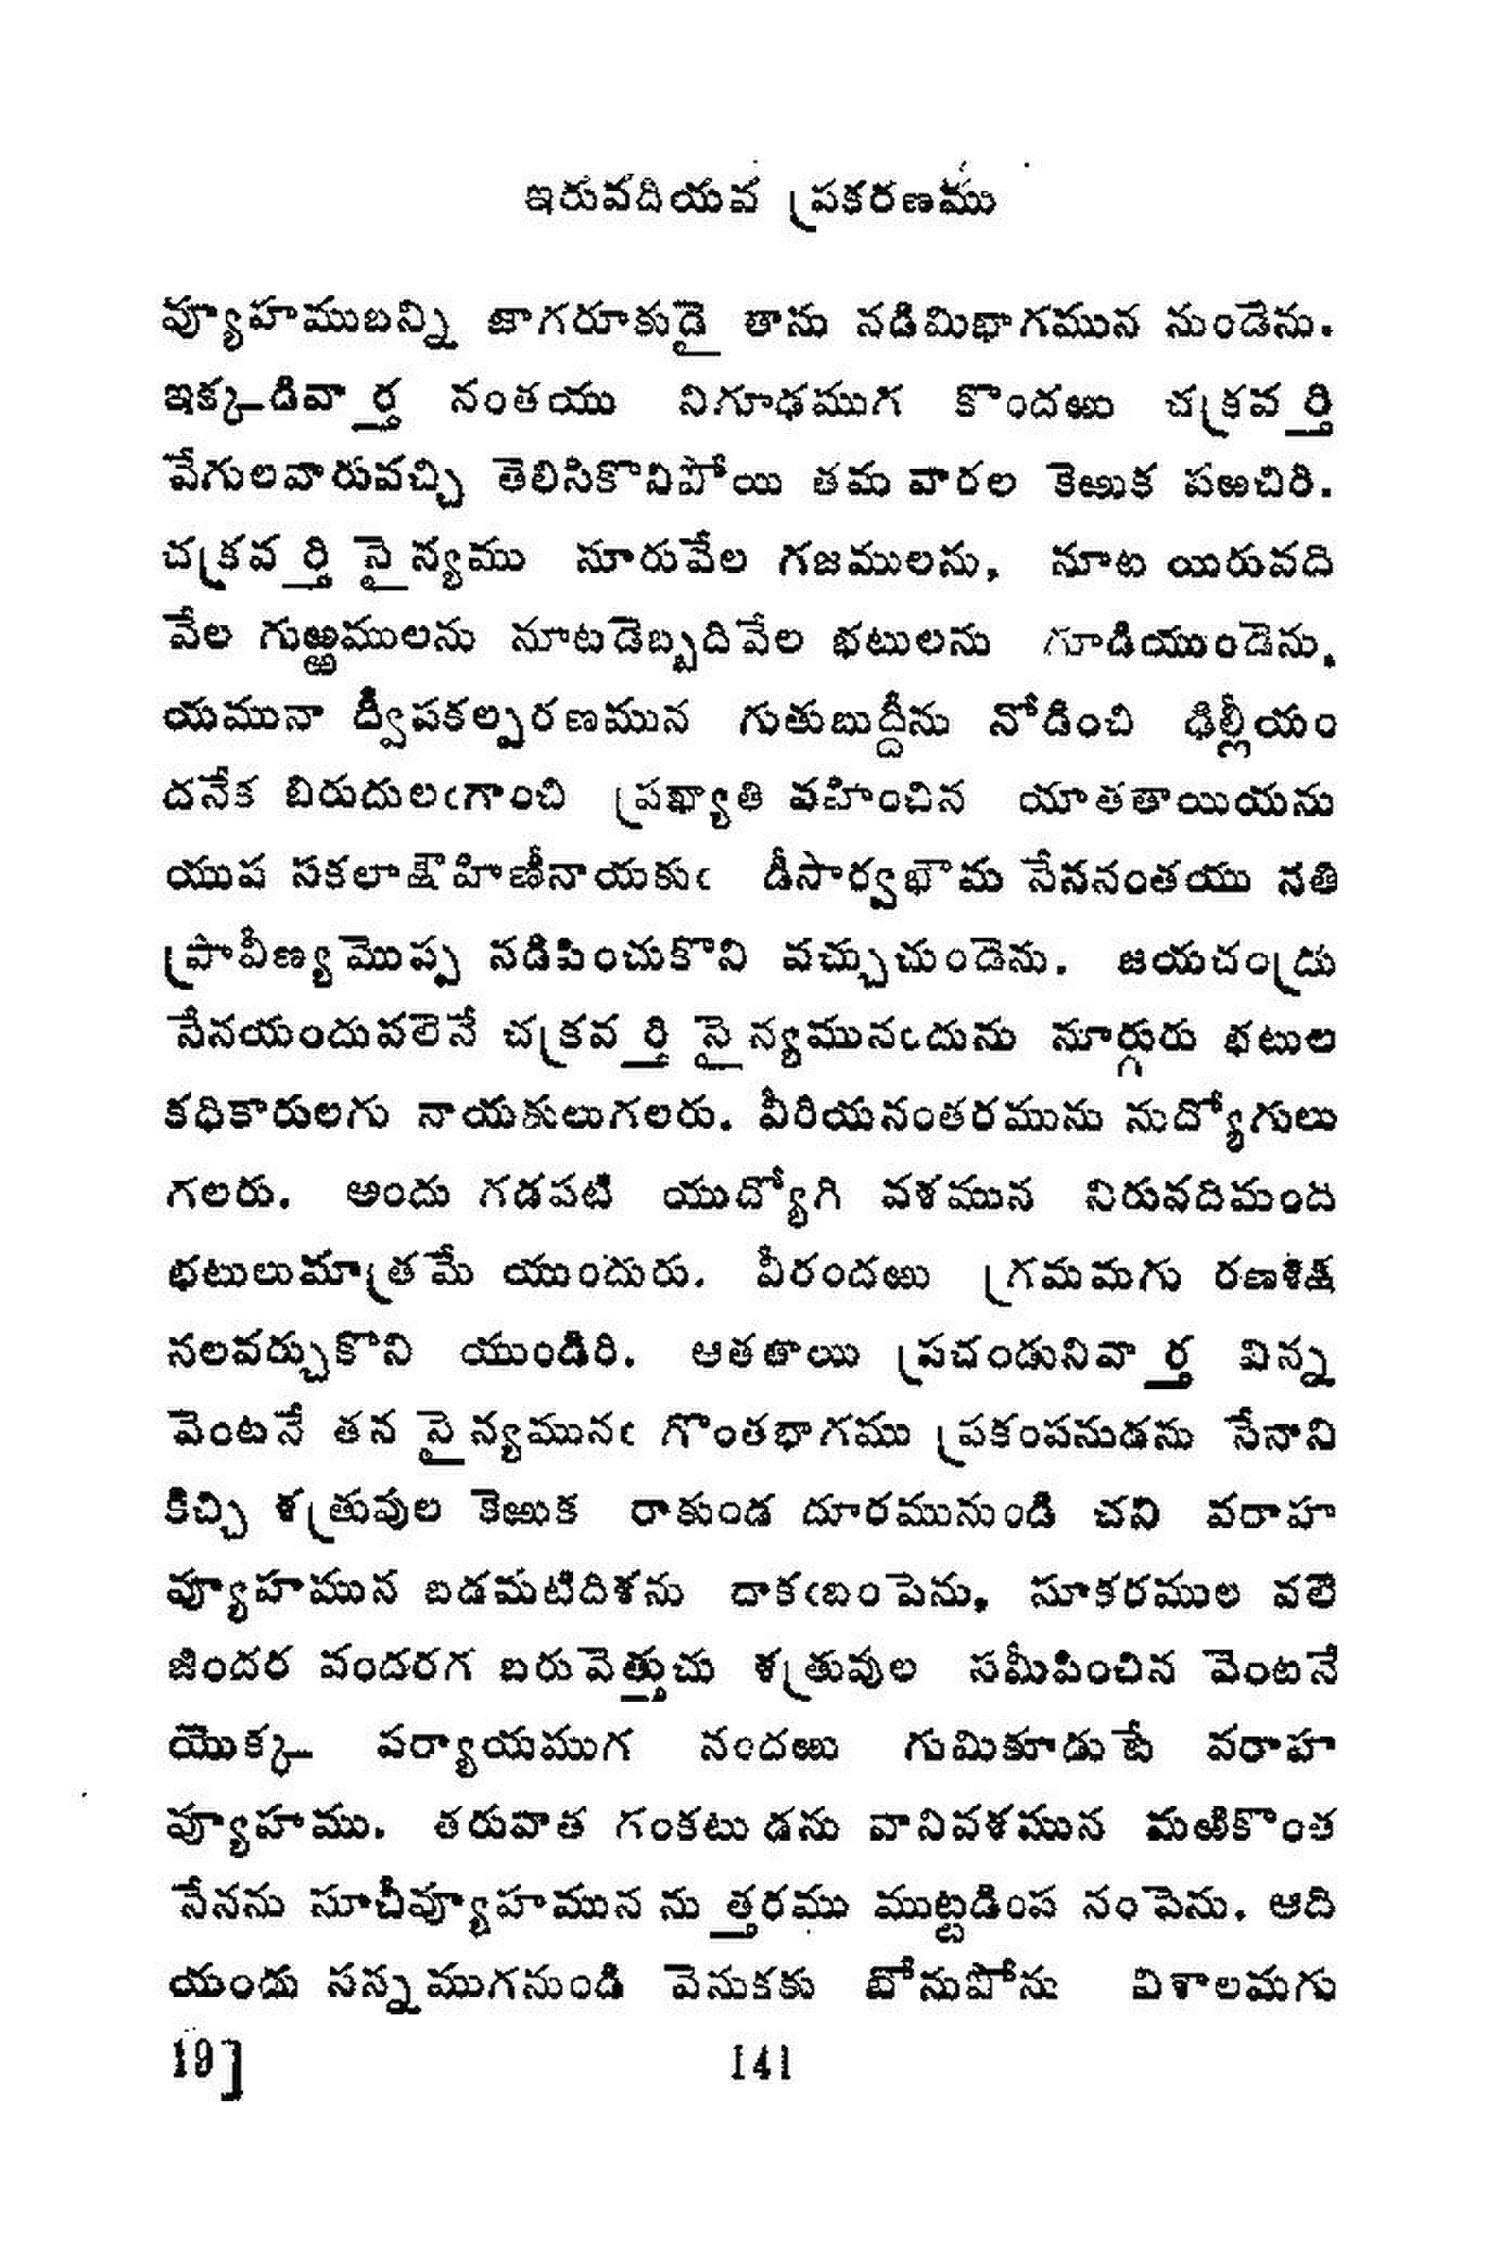వ్యూహముబన్ని జాగరూకుడై తాను నడిమిభాగమున నుండెను. ఇక్కడివార్త నంతయు నిగూఢముగ కొందఱు చక్రవర్తి వేగులవారువచ్చి తెలిసికొనిపోయి తమ వారల కెఱుక పఱచిరి. చక్రవర్తి సైన్యము నూరువేల గజములను, నూట యిరువది వేల గుఱ్ఱములను నూటడెబ్బదివేల భటులను గూడియుండెను. యమునా ద్వీపకల్పరణమున గుతుబుద్దీను నోడించి ఢిల్లీయం దనేక బిరుదులఁగాంచి ప్రఖ్యాతి వహించిన యాతతాయియను యుప సకలక్షౌహిణీనాయకుఁ డిసార్వభౌమ సేననంతయు నతి ప్రావీణ్య మొప్ప నడిపించుకొని వచ్చుచుండెను. జయచంద్రు సేనయందువలెనే చక్రవర్తి సైన్యమునందును నూర్గురు భటుల కధికారులగు నాయకులుగలరు. వీరియనంతరమును నుద్యోగులు గలరు. అందు గడపటి యుద్యోగి వశమున నిరువదిమంది భటులుమాత్రమే యుందురు. వీరందఱు గ్రమమగు రణశిక్ష నలవర్చుకొని యుండిరి. ఆతతాయి ప్రచండునివార్త విన్నవెంటనే తన సైన్యమునఁ గొంతభాగము ప్రకంపనుడను సేనాని కిచ్చి శత్రువుల కెఱుక రాకుండ దూరమునుండి చని వరాహ వ్యూహమున బడమటిదిశను దాకఁబంపెను. సూకరముల వలె జిందర వందరగ బరువెత్తుచు శత్రువుల సమీపించిన వెంటనే
యొక్క పర్యాయముగ నందఱు గుమికూడుటే వరాహ వ్యూహము. తరువాత గంకటు డను వానివశమున మఱికొంత సేనను సూచీవ్యూహమున నుత్తరము ముట్టడింప నంపెను. ఆది యందు సన్నముగనుండి వెనుకకు బోనుపోను విశాలమగు